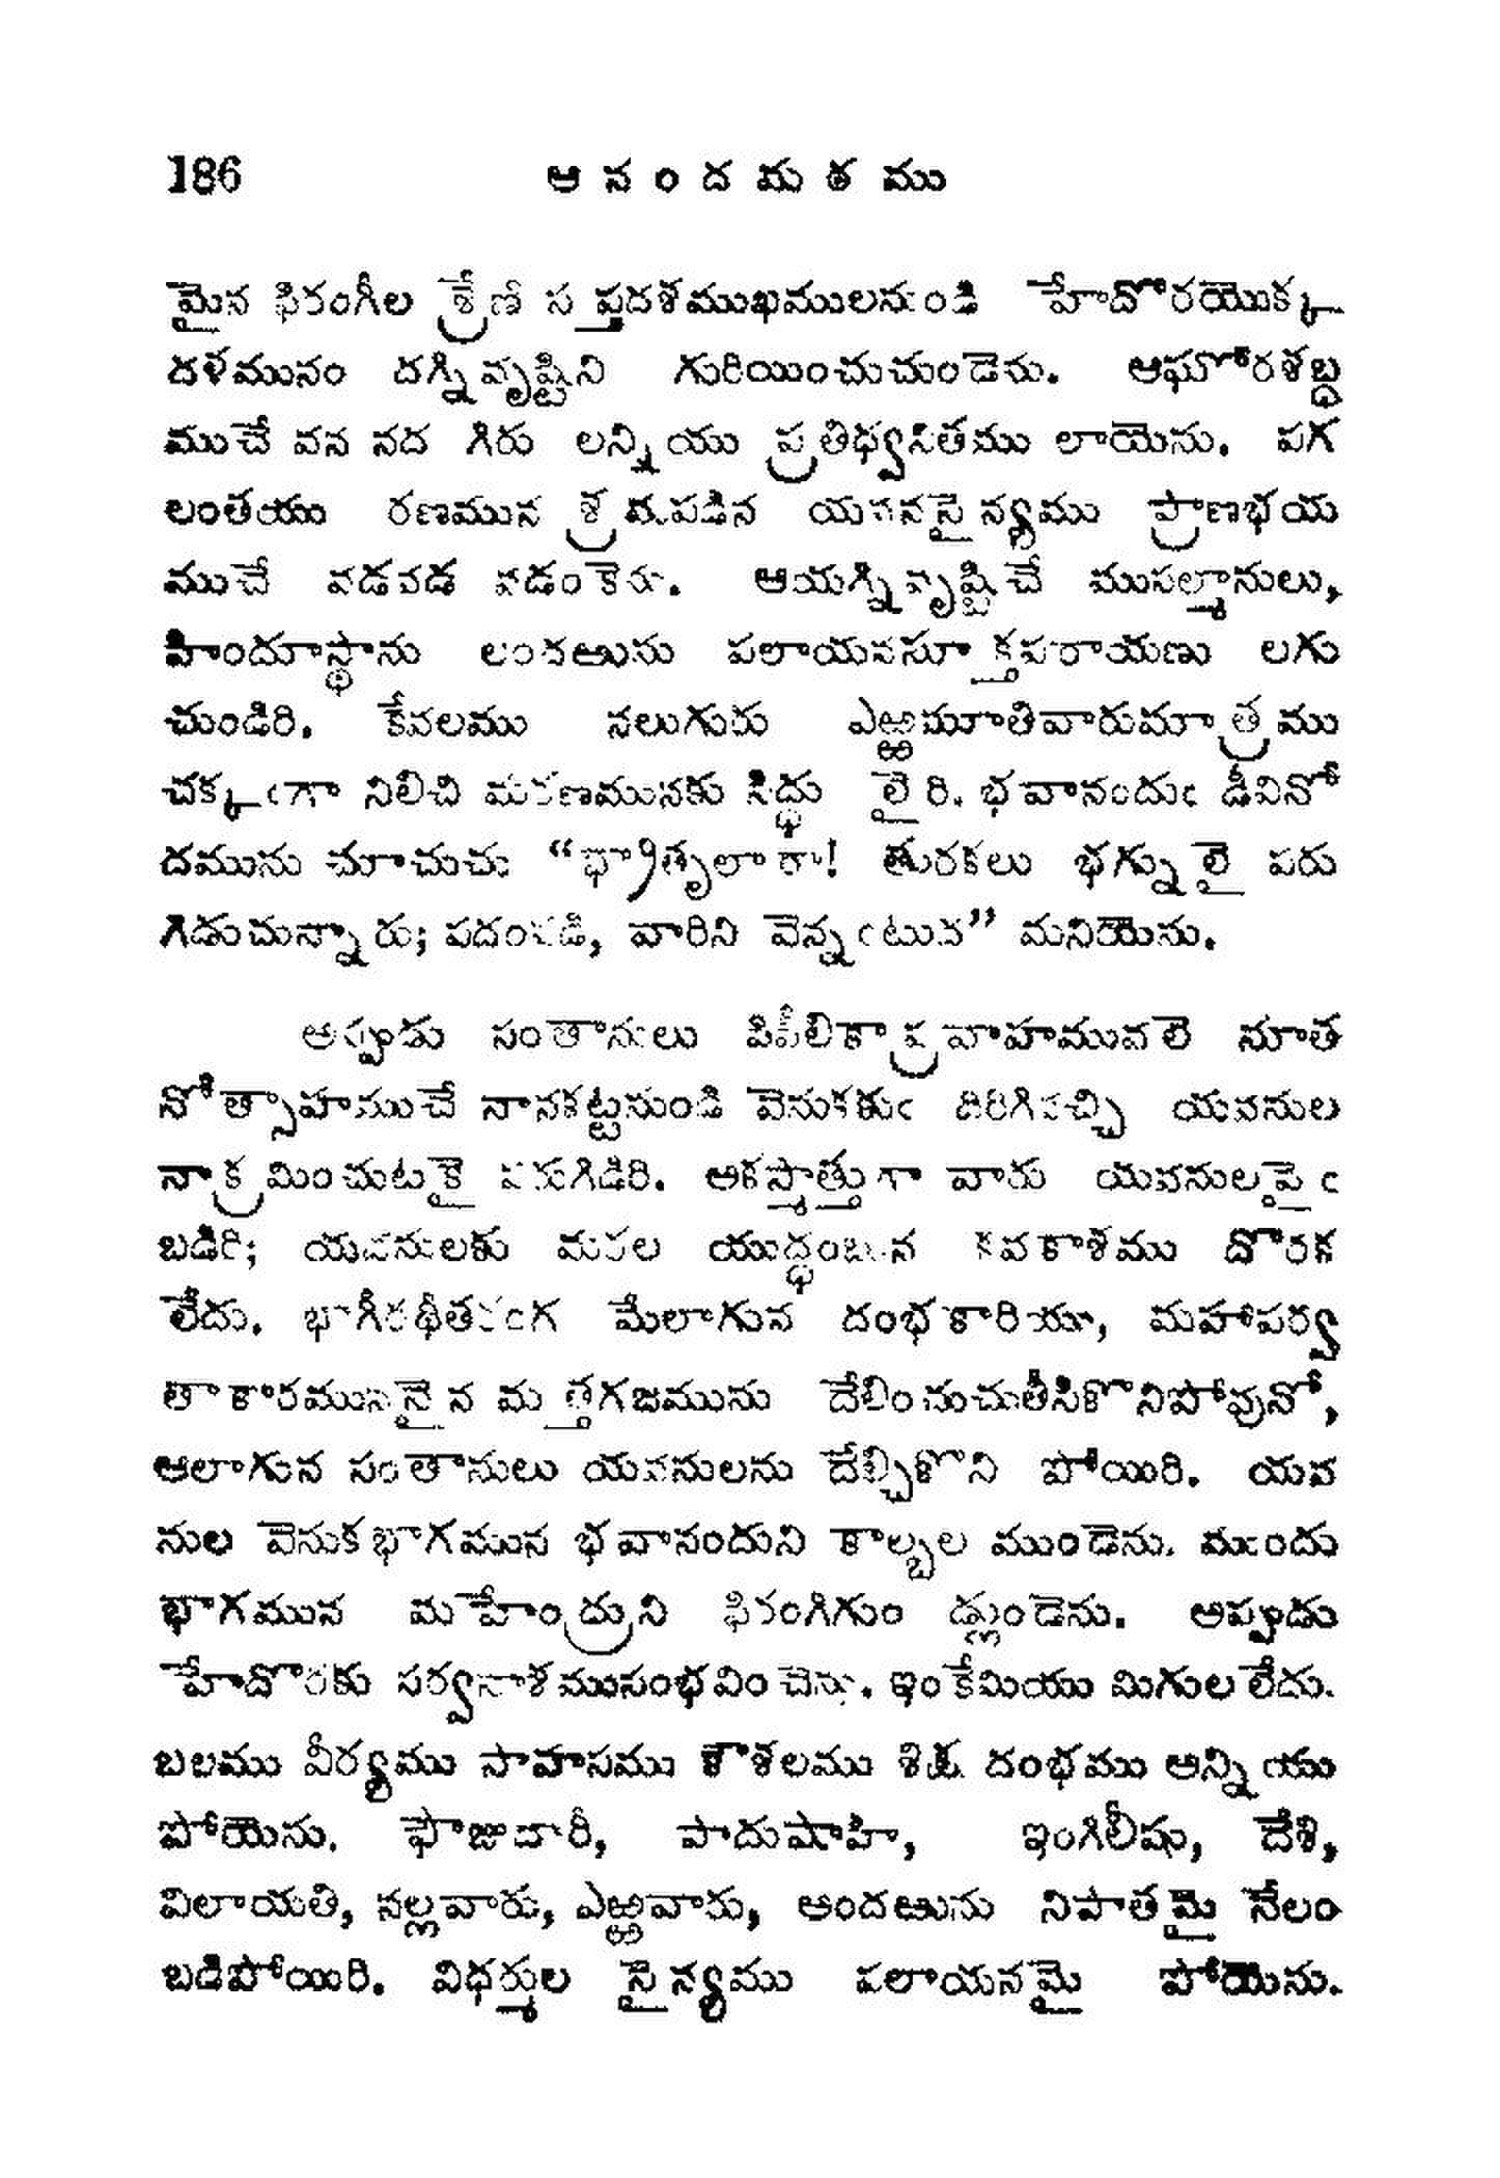మైన ఫిరంగీల శ్రేణి సప్తదశముఖములనుండి హేదొర యొక్క దళమునం దగ్నివృష్టిని గురియించుచుండెను. ఆఘోరశబ్ద
ముచే వన నద గిరు లన్నియు ప్రతిధ్వనితము లాయెను. పగలంతయు రణమున శ్రమపడిన యవనసైన్యము ప్రాణభయ
ముచే వడవడ వడంకెను. ఆయగ్ని వ్రుష్టి చే ముసల్మానులు, హిందూస్థాను లందఱును పలాయన సూక్తపరాయణు లగు
చుండిరి. కేవలము నలుగురు ఎఱ్ఱమూతివారు మాత్రము చక్కఁగా నిలిచి మరణమునకు సిద్దు లైరి. భవానందుఁ డీవినో
దమును చూచుచు, "భ్రాత్రులారా! తురకలు భగ్నులై పరుగిడుచున్నారు; పదండి, వారిని వెన్నఁటుద” మనియెను.

అప్పుడు సంతానులు పిపీలికాహ ప్రవాహమువలె నూతనోత్సాహముచే నానకట్టనుండి వెనుకకుఁ దిరిగివచ్చి యవనుల
నాక్రమించుటకై పరుగిడిరి. అకసాత్తుగా వారు యవనులపైఁ బడిరి; యవనులకు మరల యుద్ధంబున కవకాశము దొరక లేదు. భాగీరథీతరంగ మేలాగున దంభ కారియు, మహాపర్వతాకారముననైన మత్తగజమును దేలించుచు తీసికొనిపోవునో, ఆలాగున సంతానులు యవనులను దేల్చికొని పోయిరి. యవనుల వెనుక భాగమున భవానందుని కాల్బల ముండెను. ముందు
భాగమున మహేంద్రుని ఫిరంగిగుం డ్లుండెను. అప్పుడు హేదొరకు సర్వనాశముసంభవించేను, ఇంకేమియు మిగుల లేదు.
బలము వీర్యము సాహసము కౌశలము శిక్ష దంభము అన్నియు పోయెను, ఫౌజుదారీ, పాదుషాహి, ఇంగిలీషు, దేశి,
విలాయతి, నల్లవారు, ఎఱ్ఱవారు, అందఱును నిపాతమై నేలం బడిపోయిరి. విధర్ముల సైన్యము పలాయనమై పోయెను.